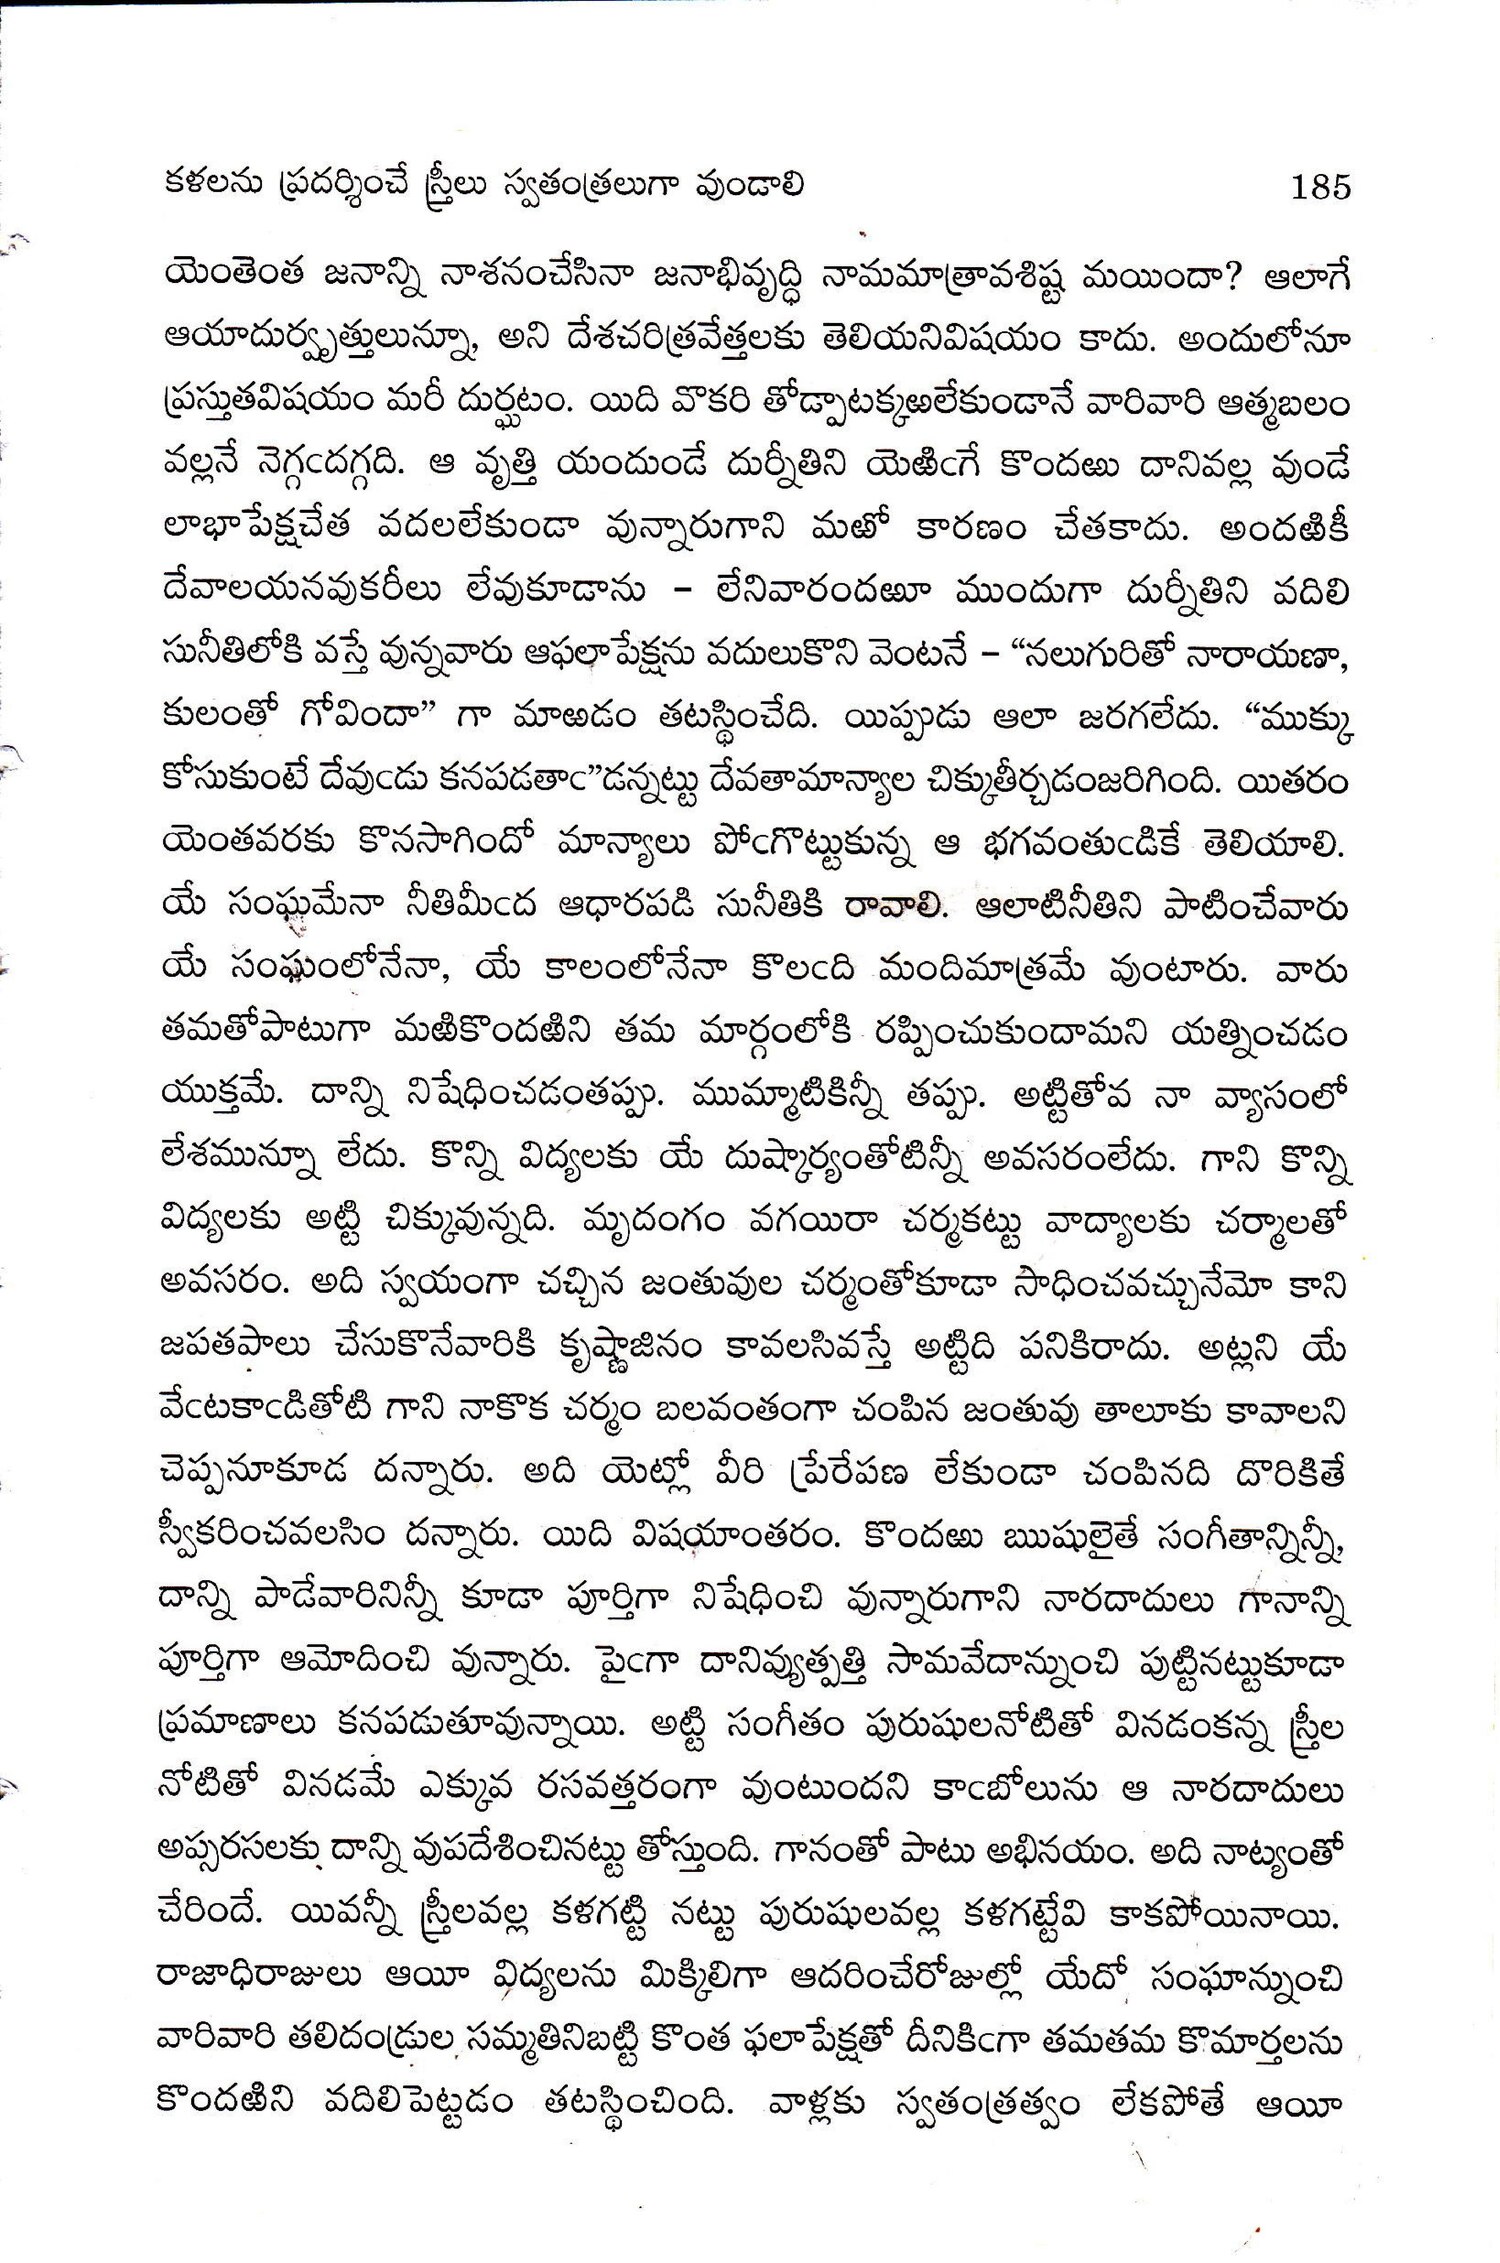యెంతెంత జనాన్ని నాశనంచేసినా జనాభివృద్ధి నామమాత్రావశిష్ట మయిందా? ఆలాగే ఆయాదుర్వృత్తులున్నూ, అని దేశచరిత్రవేత్తలకు తెలియనివిషయం కాదు. అందులోనూ ప్రస్తుతవిషయం మరీ దుర్ఘటం. యిది వొకరి తోడ్పాటక్కఱలేకుండానే వారివారి ఆత్మబలం వల్లనే నెగ్గఁదగ్గది. ఆ వృత్తి యందుండే దుర్నీతిని యెఱిఁగే కొందఱు దానివల్ల వుండే లాభాపేక్షచేత వదలలేకుండా వున్నారుగాని మఱో కారణం చేతకాదు. అందఱికీ దేవాలయనవుకరీలు లేవుకూడాను - లేనివారందఱూ ముందుగా దుర్నీతిని వదిలి సునీతిలోకి వస్తే వున్నవారు ఆఫలాపేక్షను వదులుకొని వెంటనే - “నలుగురితో నారాయణా, కులంతో గోవిందా" గా మాఱడం తటస్థించేది. యిప్పుడు ఆలా జరగలేదు. “ముక్కు కోసుకుంటే దేవుఁడు కనపడతాఁ"డన్నట్టు దేవతామాన్యాల చిక్కుతీర్చడంజరిగింది. యితరం యెంతవరకు కొనసాగిందో మాన్యాలు పోఁగొట్టుకున్న ఆ భగవంతుఁడికే తెలియాలి. యే సంఘమేనా నీతిమీఁద ఆధారపడి సునీతికి రావాలి. ఆలాటినీతిని పాటించేవారు యే సంఘంలోనేనా, యే కాలంలోనేనా కొలఁది మందిమాత్రమే వుంటారు. వారు తమతోపాటుగా మఱికొందఱిని తమ మార్గంలోకి రప్పించుకుందామని యత్నించడం యుక్తమే. దాన్ని నిషేధించడంతప్పు. ముమ్మాటికిన్నీ తప్పు. అట్టితోవ నా వ్యాసంలో లేశమున్నూ లేదు. కొన్ని విద్యలకు యే దుష్కార్యంతోటిన్నీ అవసరంలేదు. గాని కొన్ని విద్యలకు అట్టి చిక్కువున్నది. మృదంగం వగయిరా చర్మకట్టు వాద్యాలకు చర్మాలతో అవసరం. అది స్వయంగా చచ్చిన జంతువుల చర్మంతోకూడా సాధించవచ్చునేమో కాని జపతపాలు చేసుకొనేవారికి కృష్ణాజినం కావలసివస్తే అట్టిది పనికిరాదు. అట్లని యే వేఁటకాఁడితోటి గాని నాకొక చర్మం బలవంతంగా చంపిన జంతువు తాలూకు కావాలని చెప్పనూకూడ దన్నారు. అది యెట్లో వీరి ప్రేరేపణ లేకుండా చంపినది దొరికితే స్వీకరించవలసిం దన్నారు. యిది విషయాంతరం. కొందఱు ఋషులైతే సంగీతాన్నిన్నీ దాన్ని పాడేవారినిన్నీ కూడా పూర్తిగా నిషేధించి వున్నారుగాని నారదాదులు గానాన్ని పూర్తిగా ఆమోదించి వున్నారు. పైఁగా దానివ్యుత్పత్తి సామవేదాన్నుంచి పుట్టినట్టుకూడా ప్రమాణాలు కనపడుతూవున్నాయి. అట్టి సంగీతం పురుషులనోటితో వినడంకన్న స్త్రీల నోటితో వినడమే ఎక్కువ రసవత్తరంగా వుంటుందని కాఁబోలును ఆ నారదాదులు అప్సరసలకు దాన్ని వుపదేశించినట్టు తోస్తుంది. గానంతో పాటు అభినయం. అది నాట్యంతో చేరిందే. యివన్నీ స్త్రీలవల్ల కళగట్టి నట్టు పురుషులవల్ల కళగట్టేవి కాకపోయినాయి. రాజాధిరాజులు ఆయీ విద్యలను మిక్కిలిగా ఆదరించేరోజుల్లో యేదో సంఘాన్నుంచి వారివారి తలిదండ్రుల సమ్మతినిబట్టి కొంత ఫలాపేక్షతో దీనికిఁగా తమతమ కొమార్తలను కొందఱిని వదిలిపెట్టడం తటస్థించింది. వాళ్లకు స్వతంత్రత్వం లేకపోతే ఆయీ